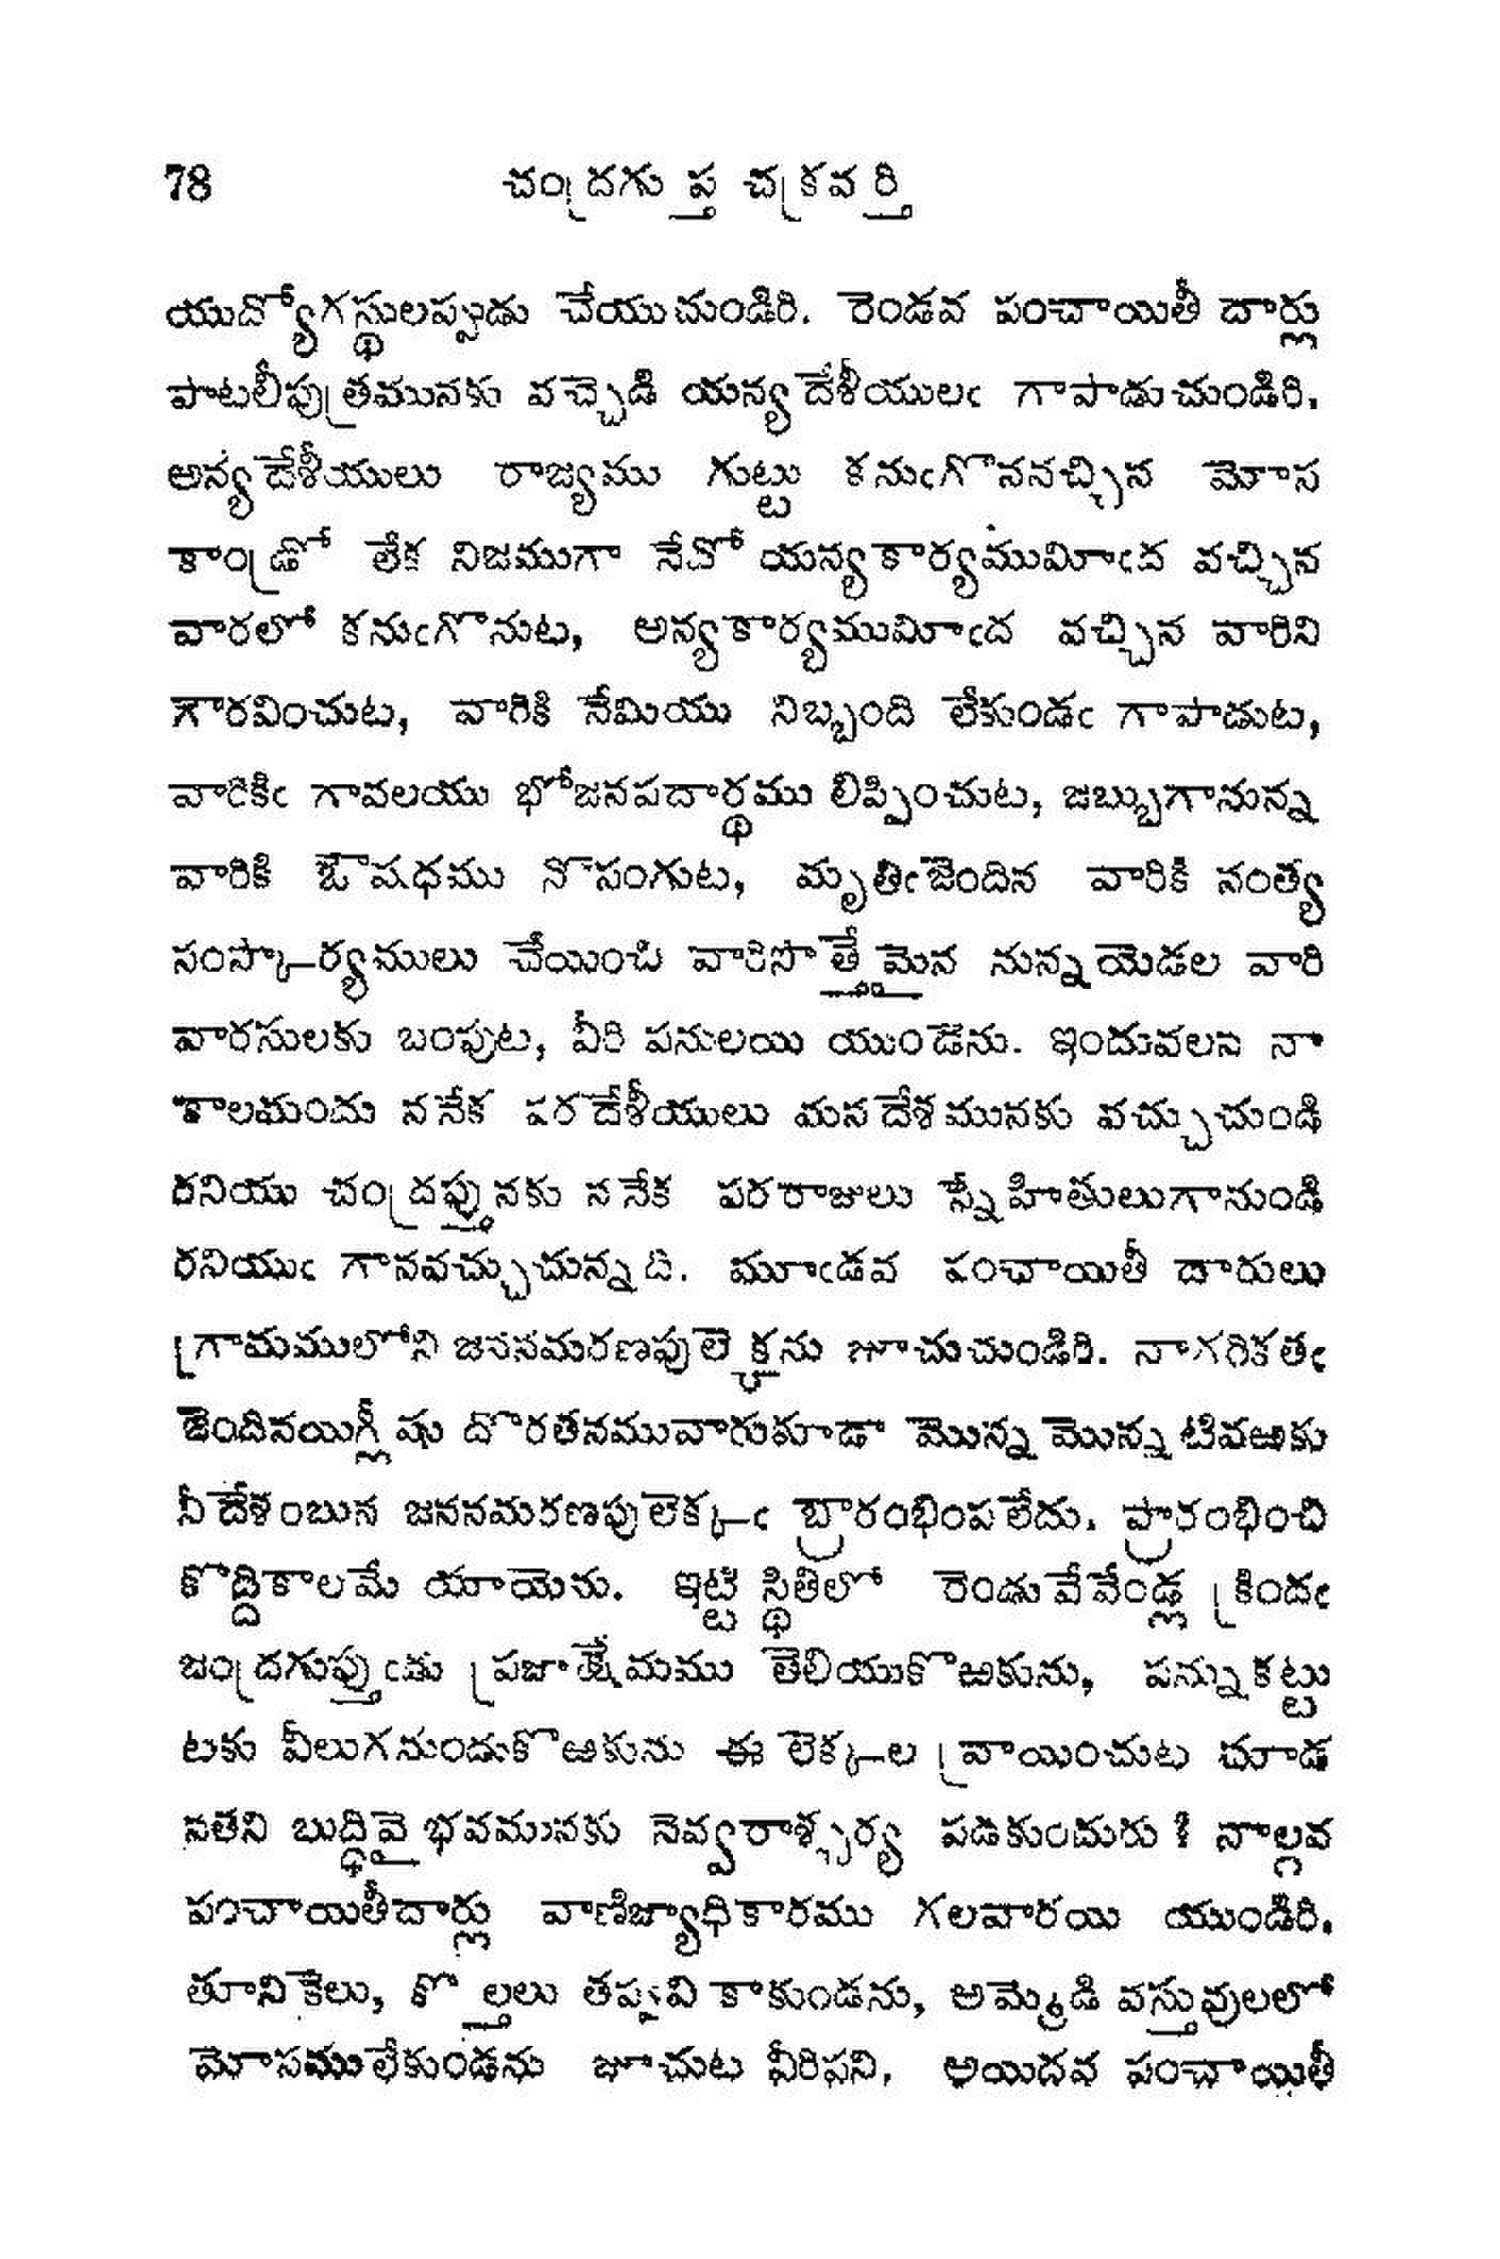యుద్యోగస్థులప్పుడు చేయుచుండిరి. రెండవ పంచాయితీ దార్లు పాటలీపుత్రమునకు వచ్చెడి యన్యదేశీయులఁ గాపాడుచుండిరి. అన్యదేశీయులు రాజ్యము గుట్టు కనుఁగొనవచ్చిన మోసకాండ్రో లేక నిజముగా నేదో యన్య కార్యముమీఁద వచ్చిన వారలో కనుఁగొనుట, అన్య కార్యముమీఁద వచ్చిన వారిని గౌరవించుట, వారికి నేమియు నిబ్బంది లేకుండఁ గాపాడుట, వారికిఁ గావలయు భోజన పదార్థము లిప్పించుట, జబ్బుగానున్న వారికి ఔషధము నొసంగుట, మృతిఁజెందిన వారికి నంత్య సంస్కార్యములు చేయించి వారిసొత్తేమైన నున్న యెడల వారి వారసులకు బంపుట, వీరి పనులయి యుండెను. ఇందువలన నా కాలమందు ననేక పరదేశీయులు మనదేశమునకు వచ్చుచుండి రనియు చంద్రప్తునకు సనేక పరరాజులు స్నేహితులుగానుండి రనియుఁ గానవచ్చుచున్నది. మూఁడవ పంచాయితీ దారులు
గ్రామములోని జననమరణపు లెక్కను జూచుచుండిరి. నాగరికతఁ జెందినయింగ్లీషు దొరతనమువారుకూడా మొన్న మొన్నటివఱకు నీదేశంబున జననమరణపు లెక్కఁ బ్రారంభింపలేదు. ప్రారంభించి కొద్దికాలమే యాయెను. ఇట్టి స్థితిలో రెండు వేవేండ్ల క్రిందఁ జంద్రగుప్తుడు ప్రజా క్షేమము తెలియుకొఱకును, పన్ను కట్టుటకు వీలుగ నుండుకొఱకును ఈ లెక్కల వ్రాయించుట చూడ నతని బుద్ధివైభవమునకు నెవ్వరాశ్చర్య పడకుందురు ? నాల్గవ పంచాయితీదార్లు వాణిజ్యాధికారము గలవారయి యుండిరి. తూనికెలు, కొల్తలు తప్పువి కాకుండను, అమ్మెడి వస్తువులలో మోసము లేకుండను జూచుట వీరిపని. అయిదవ పంచాయితీ